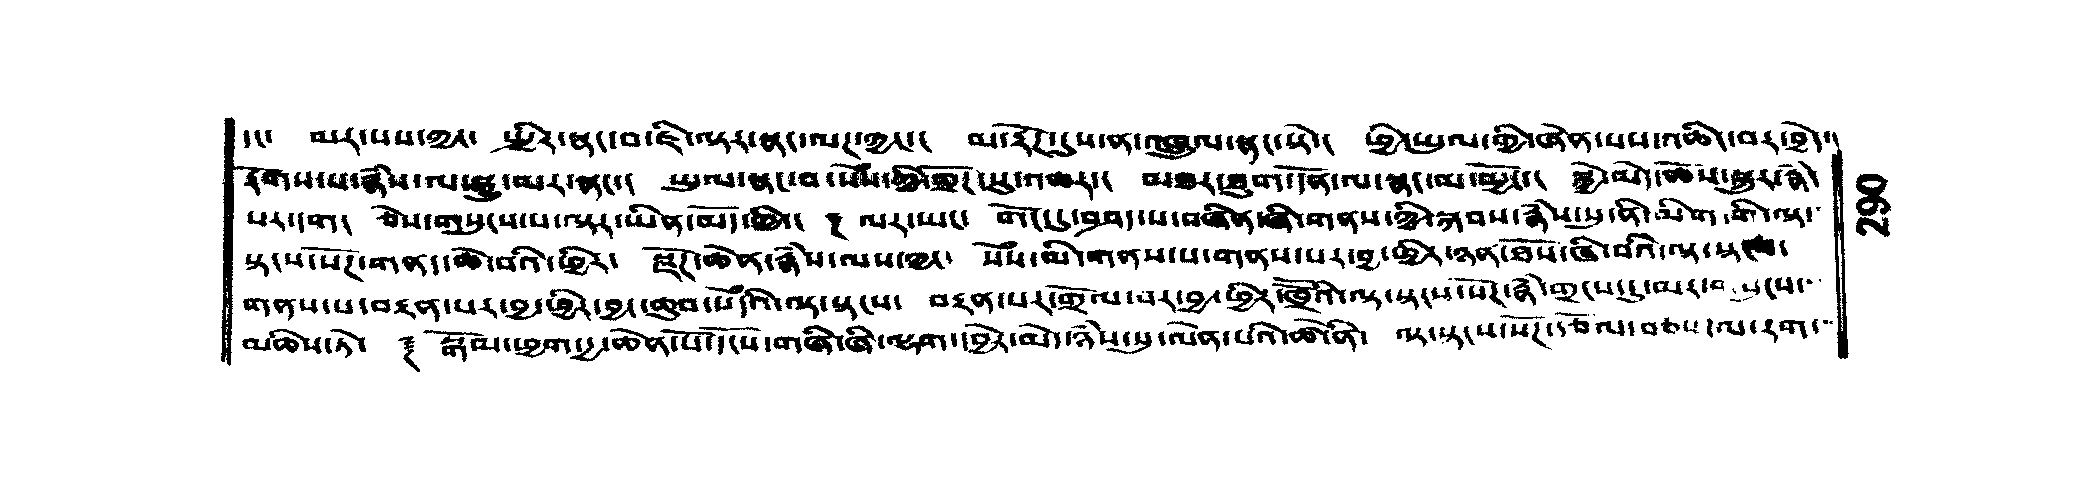དང་། མར་པས་ཀྱང་། སྤྱིར་སྣང་བ་ཇི་ལྟར་སྣང་ལགས་ཀྱང་། །མ་རྟོགས་དུས་ན་འཁྲུལ་སྣང་སྟེ། །ཕྱི་ཡུལ་གྱི་ཞེན་པས་འཆིང་བར་བྱེད་།
རྟོགས་པ་རྣམས་ལ་སྒྱུ་མར་སྣང་། །ཡུལ་སྣང་བ་སེམས་ཀྱི་གྲོགས་སུ་འཆར། །མཐར་ཐུག་དོན་ལ་སྣང་མ་མྱོང་། །སྐྱེ་མེད་ཆོས་སྐུར་རྣམ་
པར་དག་ ཅེས་གསུངས་པ་ལྟར་ཡིན་མོད་ཀྱི། ལར་ཡང་། གོང་དུ་བཤད་པ་བཞིན་ཞི་གནས་ཀྱི་སྐབས་རྣམས་སུ་ནི་མིག་གི་ལྟ་
སྟངས་སོགས་གནད་ཆེ་བའི་ཕྱིར། རྫོགས་ཆེན་རྣམས་ལས་ཀྱང་། སེམས་མི་གནས་པ་གནས་པར་བྱ་ཕྱིར་ཉན་ཐོས་ཞི་བའི་ལྟ་སྟངས། 
གནས་པ་བརྟན་པར་བྱ་ཕྱིར་བྱང་ཆུབ་སེམས་དཔའི་ལྟ་སྟངས། བརྟན་པར་གྲོལ་བར་བྱ་ཕྱིར་ཁྲོ་བོའི་ལྟ་སྟངས་སོགས་རྣམ་གྲངས་དུ་མར་གསུངས་
མཆིས་ཏེ། སྒོམ་ཕྱག་རྒྱ་ཆེན་པོ་དངོས་གཞི་ཞི་ལྷག་དབྱེར་མེད་ཉམས་སུ་ལེན་པའི་ཚེ་ནི། ལྟ་སྟངས་སོགས་རྩོལ་བཅས་ལ་རག་